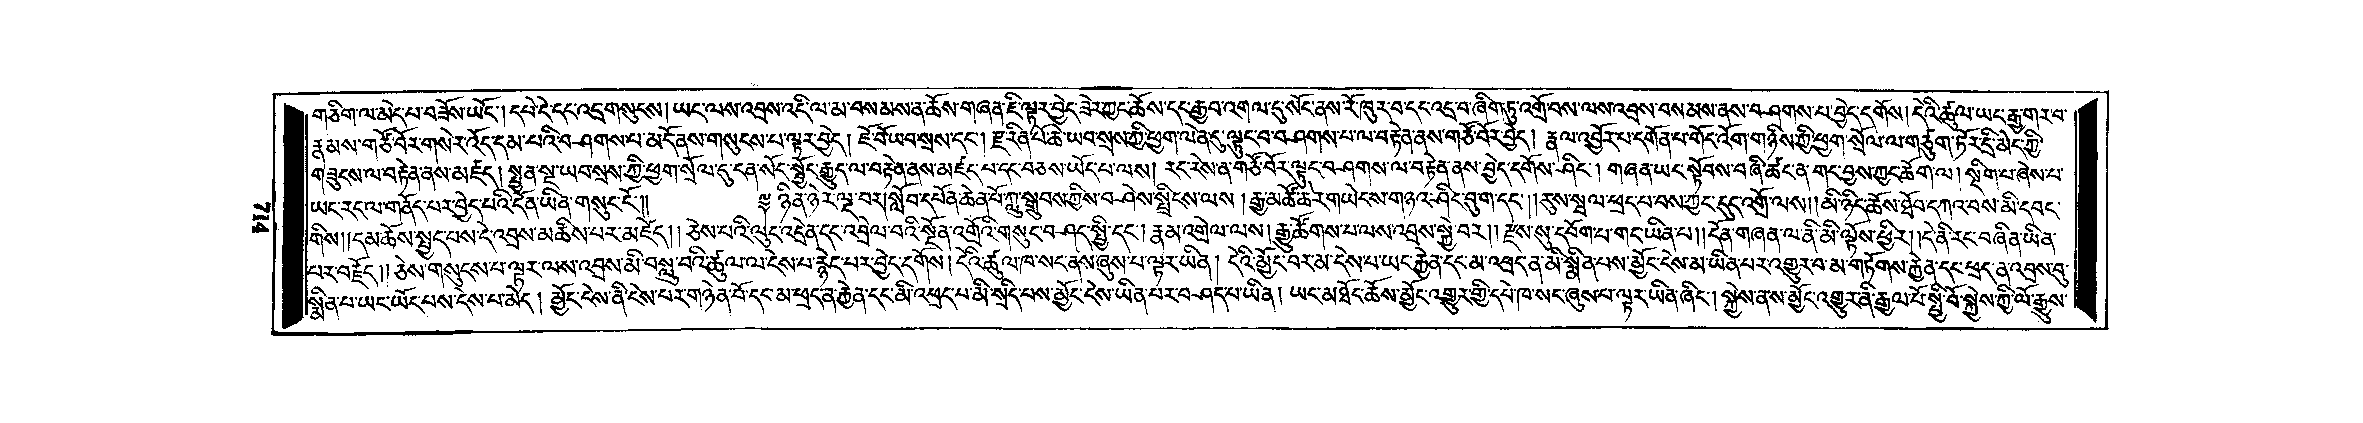གཅིག་ལ་མེད་པ་བཟོས་ཡོང་། དཔེ་དེ་དང་འདྲ་གསུངས། ཡང་ལས་འབྲས་འདི་ལ་མ་བསམས་ན་ཆོས་གཞན་ཇི་ལྟར་བྱེད་ཟེར་ཀྱང་ཆོས་དང་རྒྱབ་འགལ་དུ་སོང་ནས་རོ་ཁུར་བ་དང་འདྲ་བ་ཞིག་ཏུ་འགྲོ་བས་ལས་འབྲས་བསམས་ནས་བཤགས་པ་བྱེད་དགོས། དེའི་ཚུལ་ཡང་རྒྱ་གར་བ་
རྣམས་གཙོ་བོར་གསེར་འོད་དམ་པའི་བཤགས་པ་མདོ་ནས་གསུངས་པ་ལྟར་བྱེད། ཇོ་བོ་ཡབ་སྲས་དང་། རྫ་རིན་པོ་ཆེ་ཡབ་སྲས་ཀྱི་ཕྱག་ལེན་དུ་ལྟུང་བ་བཤགས་པ་ལ་བརྟེན་ནས་གཙོ་བོར་བྱེད། རྣལ་འབྱོར་པ་དགོན་པ་གོང་འོག་གཉིས་ཀྱི་ཕྱག་སྲོལ་ལ་གཙུག་ཏོར་དྲི་མེད་ཀྱི་
གཟུངས་ལ་བརྟེན་ནས་མཛད། སྤྱན་སྔ་ཡབ་སྲས་ཀྱི་ཕྱག་སྲོལ་དུ་ངན་སོང་སྦྱོང་རྒྱུད་ལ་བརྟེན་ནས་མཛད་པ་དང་བཅས་ཡོད་པ་ལས། རང་རེས་ན་གཙོ་བོར་ལྟུང་བཤགས་ལ་བརྟེན་ནས་བྱེད་དགོས་ཤིང་། གཞན་ཡང་སྟོབས་བཞི་ཚང་ན་གང་བྱས་ཀྱང་ཆོག་ལ། སྡིག་པ་ཞེས་པ་
ཡང་རང་ལ་གནོད་པར་བྱེད་པའི་དོན་ཡིན་གསུང་ངོ།། ༈ཉིན་ཉེར་ལྔ་བར། སློབ་དཔོན་ཆེན་པོ་ཀླུ་སྒྲུབས་ཀྱིས་བཤེས་སྤྲིངས་ལས། རྒྱ་མཚོ་ཆེར་གཡེངས་གཉའ་ཤིང་བུ་ག་དང་། །རུས་སྦལ་ཕྲད་པ་བས་ཀྱང་དུད་འགྲོ་ལས། །མི་ཉིད་ཆོས་ཐོབ་དཀའ་བས་མི་དབང་
གིས། །དམ་ཆོས་སྤྱད་པས་དེ་འབྲས་མཆིས་པར་མཛེད། །ཅེས་པའི་ལུང་འདྲེན་དང་འབྲེལ་བའི་སྔོན་འགྲོའི་གསུང་བཤད་སྤྱི་དང་། རྣམ་འགྲེལ་ལས། རྒྱུ་ཚོགས་པ་ལས་འབྲས་སྐྱེ་བར། །རྫས་སུ་དཔོག་པ་གང་ཡིན་པ། །དོན་གཞན་ལ་ནི་མི་ལྟོས་ཕྱིར། །དེ་ནི་རང་བཞིན་ཡིན་
པར་བརྗོད། །ཅེས་གསུངས་པ་ལྟར་ལས་འབྲས་མི་བསླུ་བའི་ཚུལ་ལ་ངེས་པ་རྙེད་པར་བྱེད་དགོས། དེའི་ཚུལ་ཁ་སང་ནས་ཞུས་པ་ལྟར་ཡིན། དེའི་མྱོང་བར་མ་དེས་པ་ཡང་རྐྱེན་དང་མ་འཕྲད་ན་མི་སྨིན་པས་མྱོང་ངེས་མ་ཡིན་པར་འགྱུར་བ་མ་གཏོགས་རྐྱེན་དང་ཕྲད་ན་འབྲས་བུ་
སྨིན་པ་ཡང་ཡོད་པས་དེས་པ་མེད། མྱོང་ངེས་ནི་ངེས་པར་གཉེན་པོ་དང་མ་ཕྲད་ན་རྐྱེན་དང་མི་འཕྲད་པ་མི་སྲིད་པས་མྱོང་ངེས་ཡིན་པར་བཤད་པ་ཡིན། ཡང་མཐོང་ཆོས་མྱོང་འགྱུར་གྱི་དཔེ་ཁ་སང་ཞུས་པ་ལྟར་ཡིན་ཞིང་། སྐྱེས་ནས་མྱོང་འགྱུར་ནི་རྒྱལ་པོ་སྤྱི་བོ་སྐྱེས་ཀྱི་ལོ་རྒྱུས་